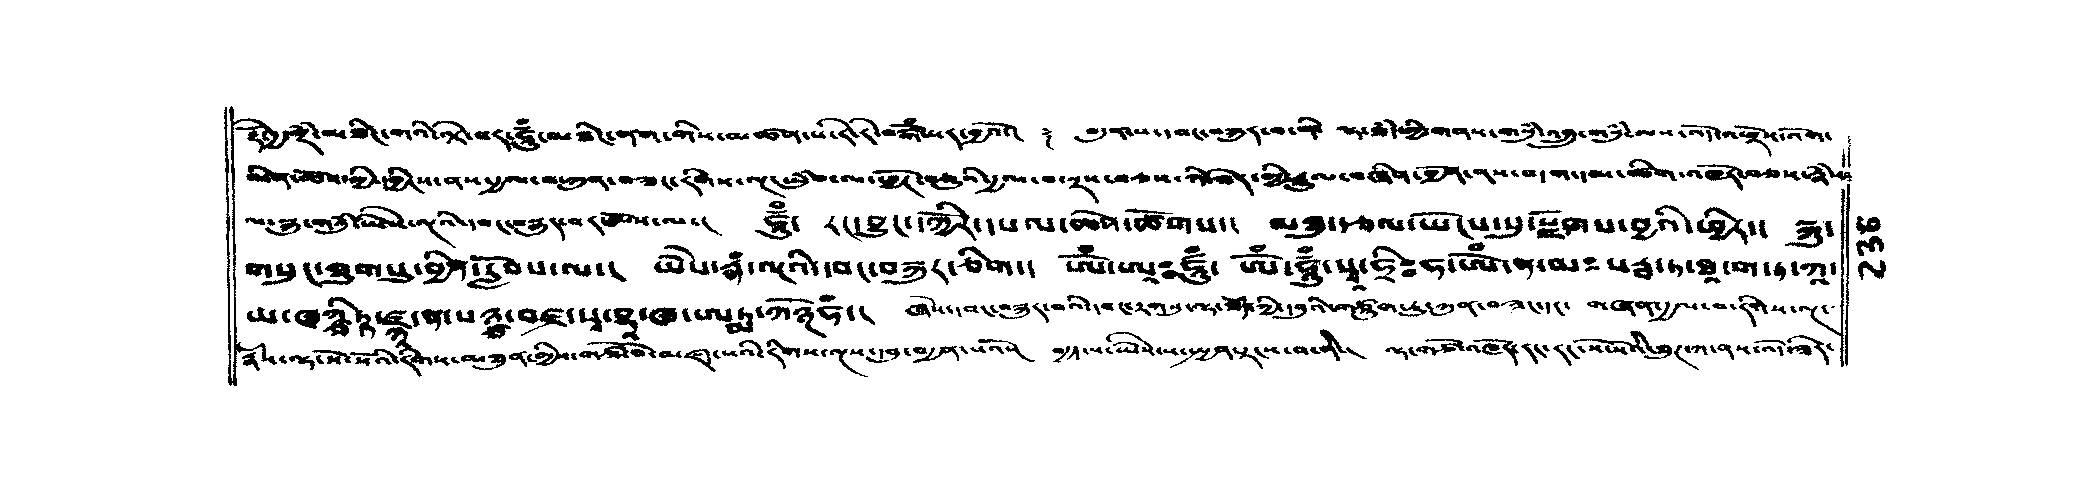༈ བདུན་པ་དབང་བསྐུར་བ་ནི། ལྷ་ཐམས་ཅད་ཀྱི་གནས་གསུམ་འབྲུ་གསུམ་ལས་འོད་འཕྲོས་འོག་
མིན་ཆོས་ཀྱི་དབྱིངས་ནས་རྒྱལ་བ་ཀུན་བཟང་རིགས་ལྔ་ཡབ་ཡུམ་ལ་ཕྱོགས་བཅུའི་རྒྱལ་བ་སྲས་བཅས་ཉི་ཟེར་གྱི་རྡུལ་བཞིན་བྱོན་ནས་བདག་དམ་ཚིག་འཁོར་བཅས་རྣམས་
ལ་སྐུ་གསུང་ཐུགས་ཡེ་ཤེས་ལྔའི་དབང་བསྐུར་བར་མོས་ལ། རང་བྱུང་དཀྱིལ་འཁོར་དཔལ་ཆེན་ཚོགས། །་་་་་་་་སྐུ་
གསུང་ཐུགས་སུ་་་་་ཡེ་ཤེས་རྣམ་ལྔའི་དབང་བསྐུར་ཅིག་།ཨོཾ་ཨཱ་ཧཱུྃ། ཨོཾ་ཧཱུྃ་སྭཱ་ཧྲིཿཧ་ཨོཾ་ན་མ་སརྦ་ཏ་ཐཱ་ག་ཏ་ཀཱ་
ཡ་ཝཀྩིཏྟ་ཛྙཱ་ན་པཉྩ་བཛྲ་སྭ་བྷཱ་ཝ་ཨཏྨ་ཀོཉཧཾ། ཞེས་དབང་བསྐུར་བའི་དབང་རྟགས་སུ་ལྷ་ཐམས་ཅད་ཀྱི་དབུའི་གཙུག་ཏུ་ཀུན་བཟང་དང་། གཞན་རྒྱལ་བ་རིགས་ལྔ་
རྣམས་ལྷ་སོ་སོའི་རིགས་མཐུན་གྱིས་གཙོ་བོ་མཛད་པའི་རིགས་ལྔས་དབུ་བརྒྱན་པའོ།བརྒྱད་པ་ཡེ་ཤེས་པ་སྤྱན་དྲངས་པ་ནི། ལྷ་གཙོ་འཁོར་རང་རང་སོ་སོའི་ཐུགས་ཀ་ནས་འོད་ཟེར་